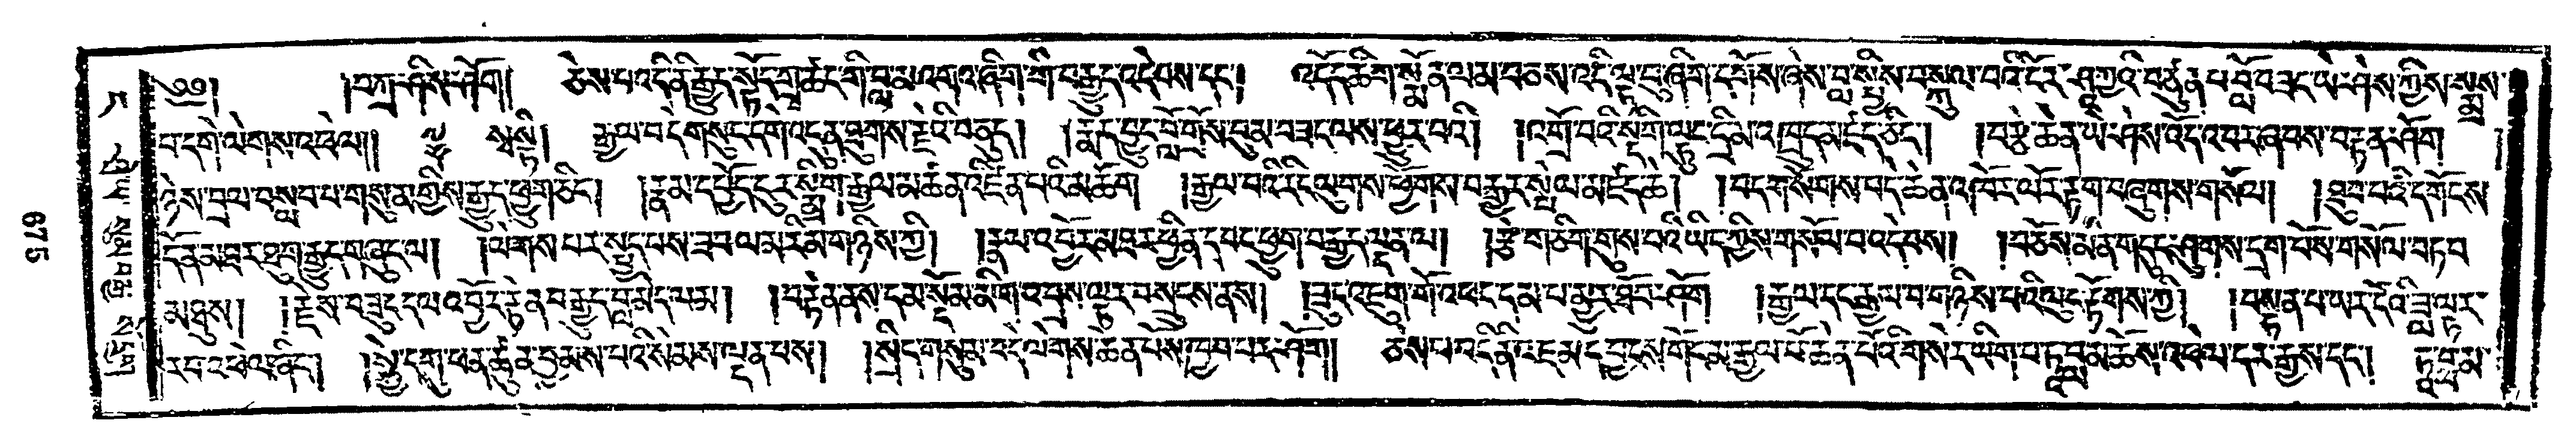༄༅། །བཀྲ་ཤིས་ཤོག། ཅེས་པ་འདི་ནི་རྒྱུད་སྟོང་གྲྭ་ཚང་གི་བླ་མ་འགའ་ཞིག་གི་བརྒྱུད་འདེབས་དང་། འདོད་ཚིག་སྨོན་ལམ་བཅས་འདི་ལྟ་བུ་ཞིག་དགོས་ཞེས་བླ་སྤྱིས་བསྐུལ་བའི་ངོར་ཤཱཀྱའི་བཙུན་པ་བློ་བཟང་ཡེ་ཤེས་ཀྱིས་སྨྲས་
པ་དགེ་ལེགས་འཕེལ།། ༈ སྭསྟི། རྒྱལ་བ་དེ་གསུང་དགེ་འདུན་ཐུགས་རྗེའི་བཅུད། །རྨད་བྱུང་བློ་གྲོས་བུམ་བཟང་ལས་ཕྱུར་བའི། །འགྲོ་བའི་སྡིག་ལྟུང་དྲི་མ་འཁྲུད་མཛད་ཅིང་། །བརྩེ་ཆེན་ཡེ་ཤེས་འོད་འབར་ཞབས་བརྟན་ཤོག།
ཉེས་བྲལ་བསླབ་པ་གསུམ་གྱིས་རྒྱུད་ཕྱུག་ཅིང་། །རྣམ་དཔྱོད་དུར་སྨྲིག་རྒྱལ་མཚན་འཛིན་པའི་མཆོག །རྒྱལ་བའི་རིང་ལུགས་ཕྱོགས་བརྒྱར་སྤེལ་མཛད་ཆེ། །བདག་སོགས་བདེ་ཆེན་འཁོར་ལོར་རྟག་བཞུགས་གསོལ། །ཐུབ་པའི་དགོངས་
དོན་མཐར་ཐུག་རྒྱུད་གཞུང་ལ། །ལེགས་པར་སྤྱད་པས་ཟབ་ལམ་རིམ་གཉིས་ཀྱི། །རྣལ་འབྱོར་མཐར་ཕྱིན་དབང་ཕྱུག་བརྒྱད་ལྡན་ལ། །རྩེ་གཅིག་གུས་པའི་ཡིད་ཀྱིས་གསོལ་བ་འདེབས། །བཅོས་མིན་གདུང་ཤུགས་དྲག་པོས་གསོལ་བཏབ་
མཐུས། །རྗེས་བཟུང་དལ་འབྱོར་རྟེན་བརྒྱུད་བླ་མེད་ལམ། །བརྟེན་ནས་དམ་སྔོམ་མིག་འབྲས་ལྟར་བསྲུངས་ནས། །ཟུང་འཇུག་གོ་འཕང་དམ་པ་མྱུར་ཐོབ་ཤོག །རྒྱལ་དང་རྒྱལ་བ་གཉིས་པའི་ལུང་རྟོགས་ཀྱི། །བསྟན་པ་ཡར་དོའི་ཟླ་ལྟར་
རབ་འཕེལ་ཞིང་། །སྐྱེ་དགུ་ཕན་ཚུན་བྱམས་པའི་སེམས་ལྡན་པས། །སྲིད་གསུམ་བདེ་ལེགས་ཆེན་པོས་ཁྱབ་པར་ཤོག། ཅེས་པ་འདི་ནི་འཇམ་དབྱངས་གོང་མ་རྒྱལ་པོ་ཆེན་པོའི་གསེར་ཡིག་པ་ཏཱ་བླ་མ་ཆོས་འཕེལ་དར་རྒྱས་དང་། ཏཱ་བླ་མ་